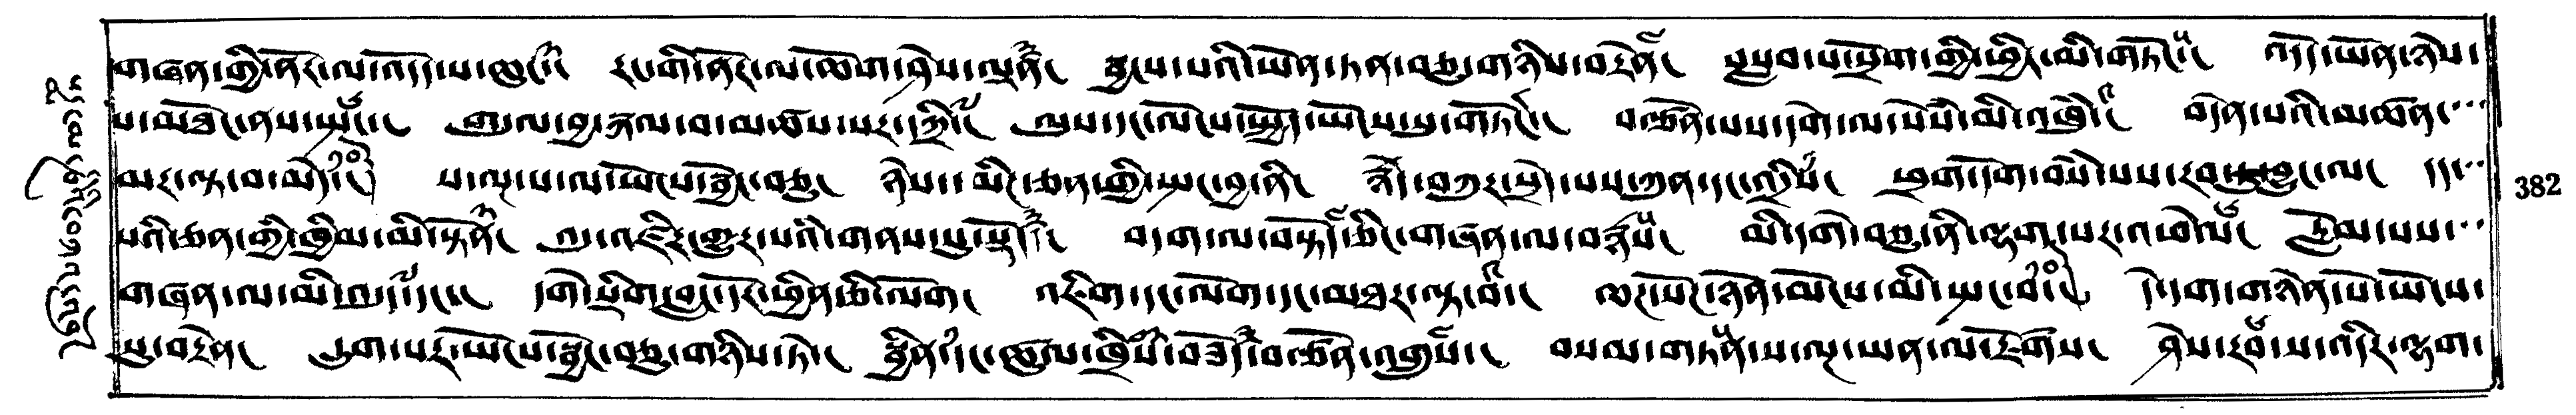གཞན་གྱི་ནོར་ལ་འདོད་པ་ཆུང་། །རང་གི་ནོར་ལ་ཆོག་ཤེས་ལྡན། །སྦྱངས་པའི་ཡོན་ཏན་བཅུ་གཉིས་བརྟེན། །བསླབ་པ་སྲོག་གི་ཕྱིར་མི་གཏོང་། །འདོད་ཡོན་ཉེས་
པ་མཐོང་ནས་སྤང་། །གདུལ་བྱ་སྐལ་བ་འཚམ་པར་བཀྲི། །ལུས་དང་ལོངས་སྤྱོད་ཡོངས་སུ་གཏོང་། །བརྩོན་པས་དགེ་ལ་སེམས་མི་འཁུམ། །བདེན་པའི་མཚན་
མར་ལྟ་བ་མེད། །ས་ལྔ་པ་ལ་ཡོངས་སྦྱོང་བཅུ། །ཉེས་དམིགས་ཅན་གྱི་སྤང་བྱ་ནི། །རྙེད་བཀུར་སྲེད་པས་ཀུན་དང་འདྲིས། །ཕྲག་དོག་བསམ་པས་རབ་བྱུང་ལ། །དད་
པ་ཅན་གྱི་ཁྱིམ་མི་སྟོན། །འདུ་འཛིར་གྱུར་པའི་གནས་སུ་སྡོད། །བདག་ལ་བསྟོད་ཅིང་གཞན་ལ་བརྙས། །མི་དགེ་བཅུ་ནི་ལྷག་པར་འཕེལ། །རློམ་པས་
གཞན་ལ་མི་འདུད་དང་། །དགེ་སྡིག་བླང་དོར་ཕྱིན་ཅི་ལོག །འཇིག་དང་ལོག་དང་མཐར་ལྟ་བ། །ཆགས་སོགས་ཉོན་མོངས་མི་སྤང་བ། །དེ་དག་གཉེན་པོ་ཡོངས་
སུ་བརྟེན། །དྲུག་པར་ཡོངས་སྦྱོང་བཅུ་གཉིས་ཏེ། །སྦྱིན་དང་ཚུལ་ཁྲིམས་བཟོད་བརྩོན་འགྲུས། །བསམ་གཏན་ས་ལྔ་ཡན་ལ་རྫོགས། །ཤེས་རབ་ས་འདིར་ལྷག་